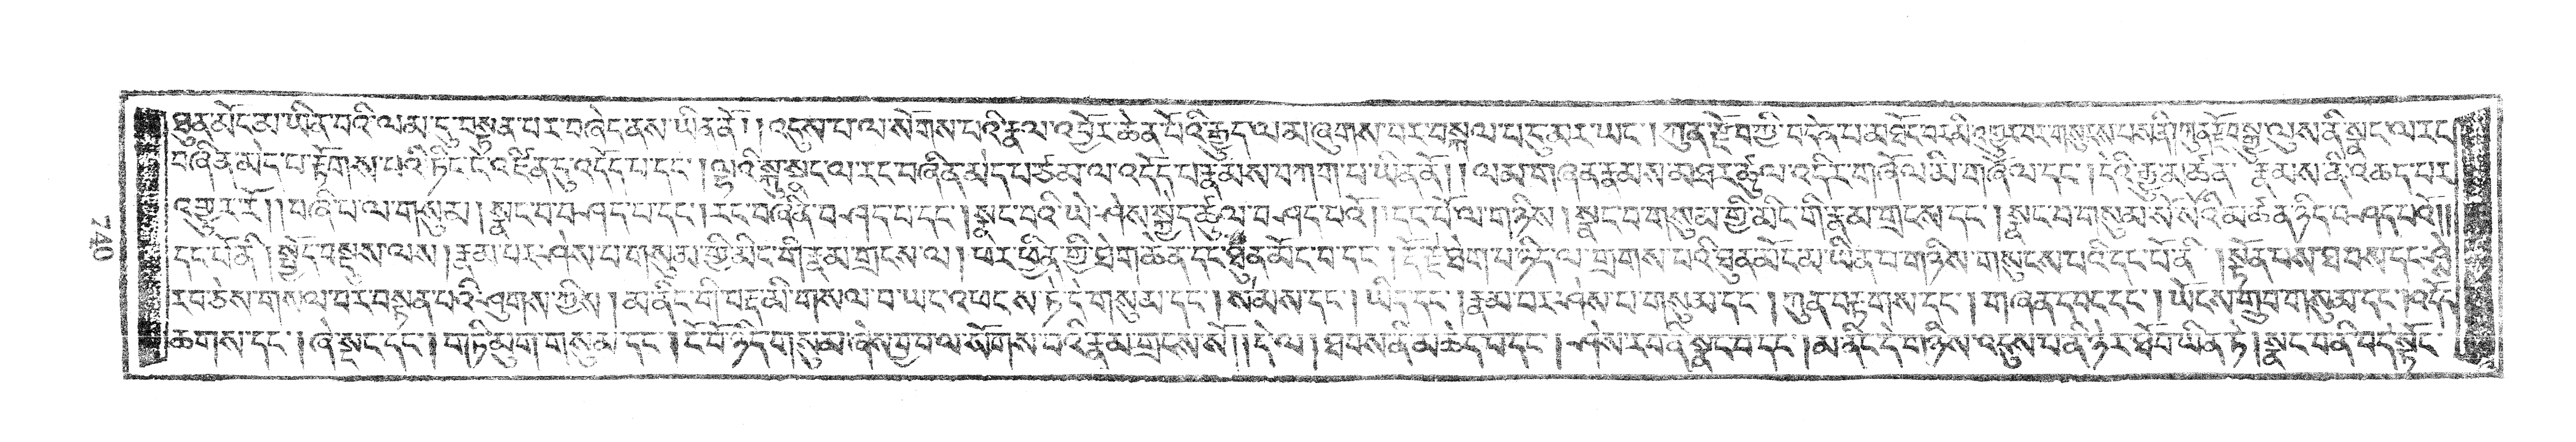ཐུན་མོང་མ་ཡིན་པའི་ལམ་དུ་བསྟན་པར་བཞེད་ནས་ཡིན་ནོ། །འདུས་པ་ལ་སོགས་པའི་རྣལ་འབྱོར་ཆེན་པོའི་རྒྱུད་ལ་མ་ཞུགས་བར་བསྐལ་པ་དུ་མར་ཡང་། ཀུན་རྫོབ་ཀྱི་བདེན་པ་མཐོང་བར་མ་འགྱུར་བར་གསུངས་པས་ནི། ཀུན་རྫོབ་སྒྱུ་ལུས་ནི་སྣང་ལ་རང་
བཞིན་མེད་པ་རྟོགས་པའི་ཏིང་ངེ་འཛིན་དུ་འདོད་པ་དང་། ལྷའི་སྐུ་སྣང་ལ་རང་བཞིན་མེད་པ་ཙམ་ལ་འདོད་པ་རྣམས་བཀག་པ་ཡིན་ནོ། །ལམ་གཞན་རྣམས་མཐར་ཚུལ་འདིར་གཞོལ་མི་གཞོལ་དང་། དེའི་རྒྱུ་མཚན་རྣམས་ནི་འཆད་པར་
འགྱུར་རོ། །བཞི་པ་ལ་གསུམ། སྣང་བ་བཤད་པ་དང་། རང་བཞིན་བཤད་པ་དང་། སྣང་བའི་ཡེ་ཤེས་སྐྱེད་ཚུལ་བཤད་པའོ། །དང་པོ་ལ་གཉིས། སྣང་བ་གསུམ་གྱི་མིང་གི་རྣམ་གྲངས་དང་། སྣང་བ་གསུམ་སོ་སོའི་མཚན་ཉིད་བཤད་པའོ། །
དང་པོ་ནི། སྤྱོད་བསྡུས་ལས། རྣམ་པར་ཤེས་པ་གསུམ་གྱི་མིང་གི་རྣམ་གྲངས་ལ། ཕར་ཕྱིན་གྱི་ཐེག་ཆེན་དང་ཐུན་མོང་བ་ཨུདང་། རྡོ་རྗེ་ཐེག་པ་ཉིད་ལ་གྲགས་པའི་ཐུན་མོང་མ་ཡིན་པ་གཉིས་གསུངས་པའི་དང་པོ་ནི། སྟོན་པས་ཐབས་དང་ཤེས་
རབ་ཅེས་གསལ་བར་བསྟན་པའི་ཤུགས་ཀྱིས། མ་ནིང་གི་བརྡ་མི་གསལ་བ་ཡང་འཕངས་ཏེ་དེ་གསུམ་དང་། སེམས་དང་། ཡིད་དང་། རྣམ་པར་ཤེས་པ་གསུམ་དང་། ཀུན་བརྟགས་དང་། གཞན་དབང་དང་། ཡོངས་གྲུབ་གསུམ་དང་། འདོད་
ཆགས་དང་། ཞེ་སྡང་དང་། གཏི་མུག་གསུམ་དང་། ངོ་བོ་ཉིད་གསུམ་ཞེས་བྱ་བ་ལ་སོགས་པའི་རྣམ་གྲངས་སོ། །དེ་ལ། ཐབས་ནི་མཆེད་པ་དང་། ཤེས་རབ་ནི་སྣང་བ་དང་། མ་ནིང་དེ་གཉིས་འདུས་པ་ནི་ཉེར་ཐོབ་ཡིན་ཏེ། སྣང་བ་ནི་བདེ་སྟོང་